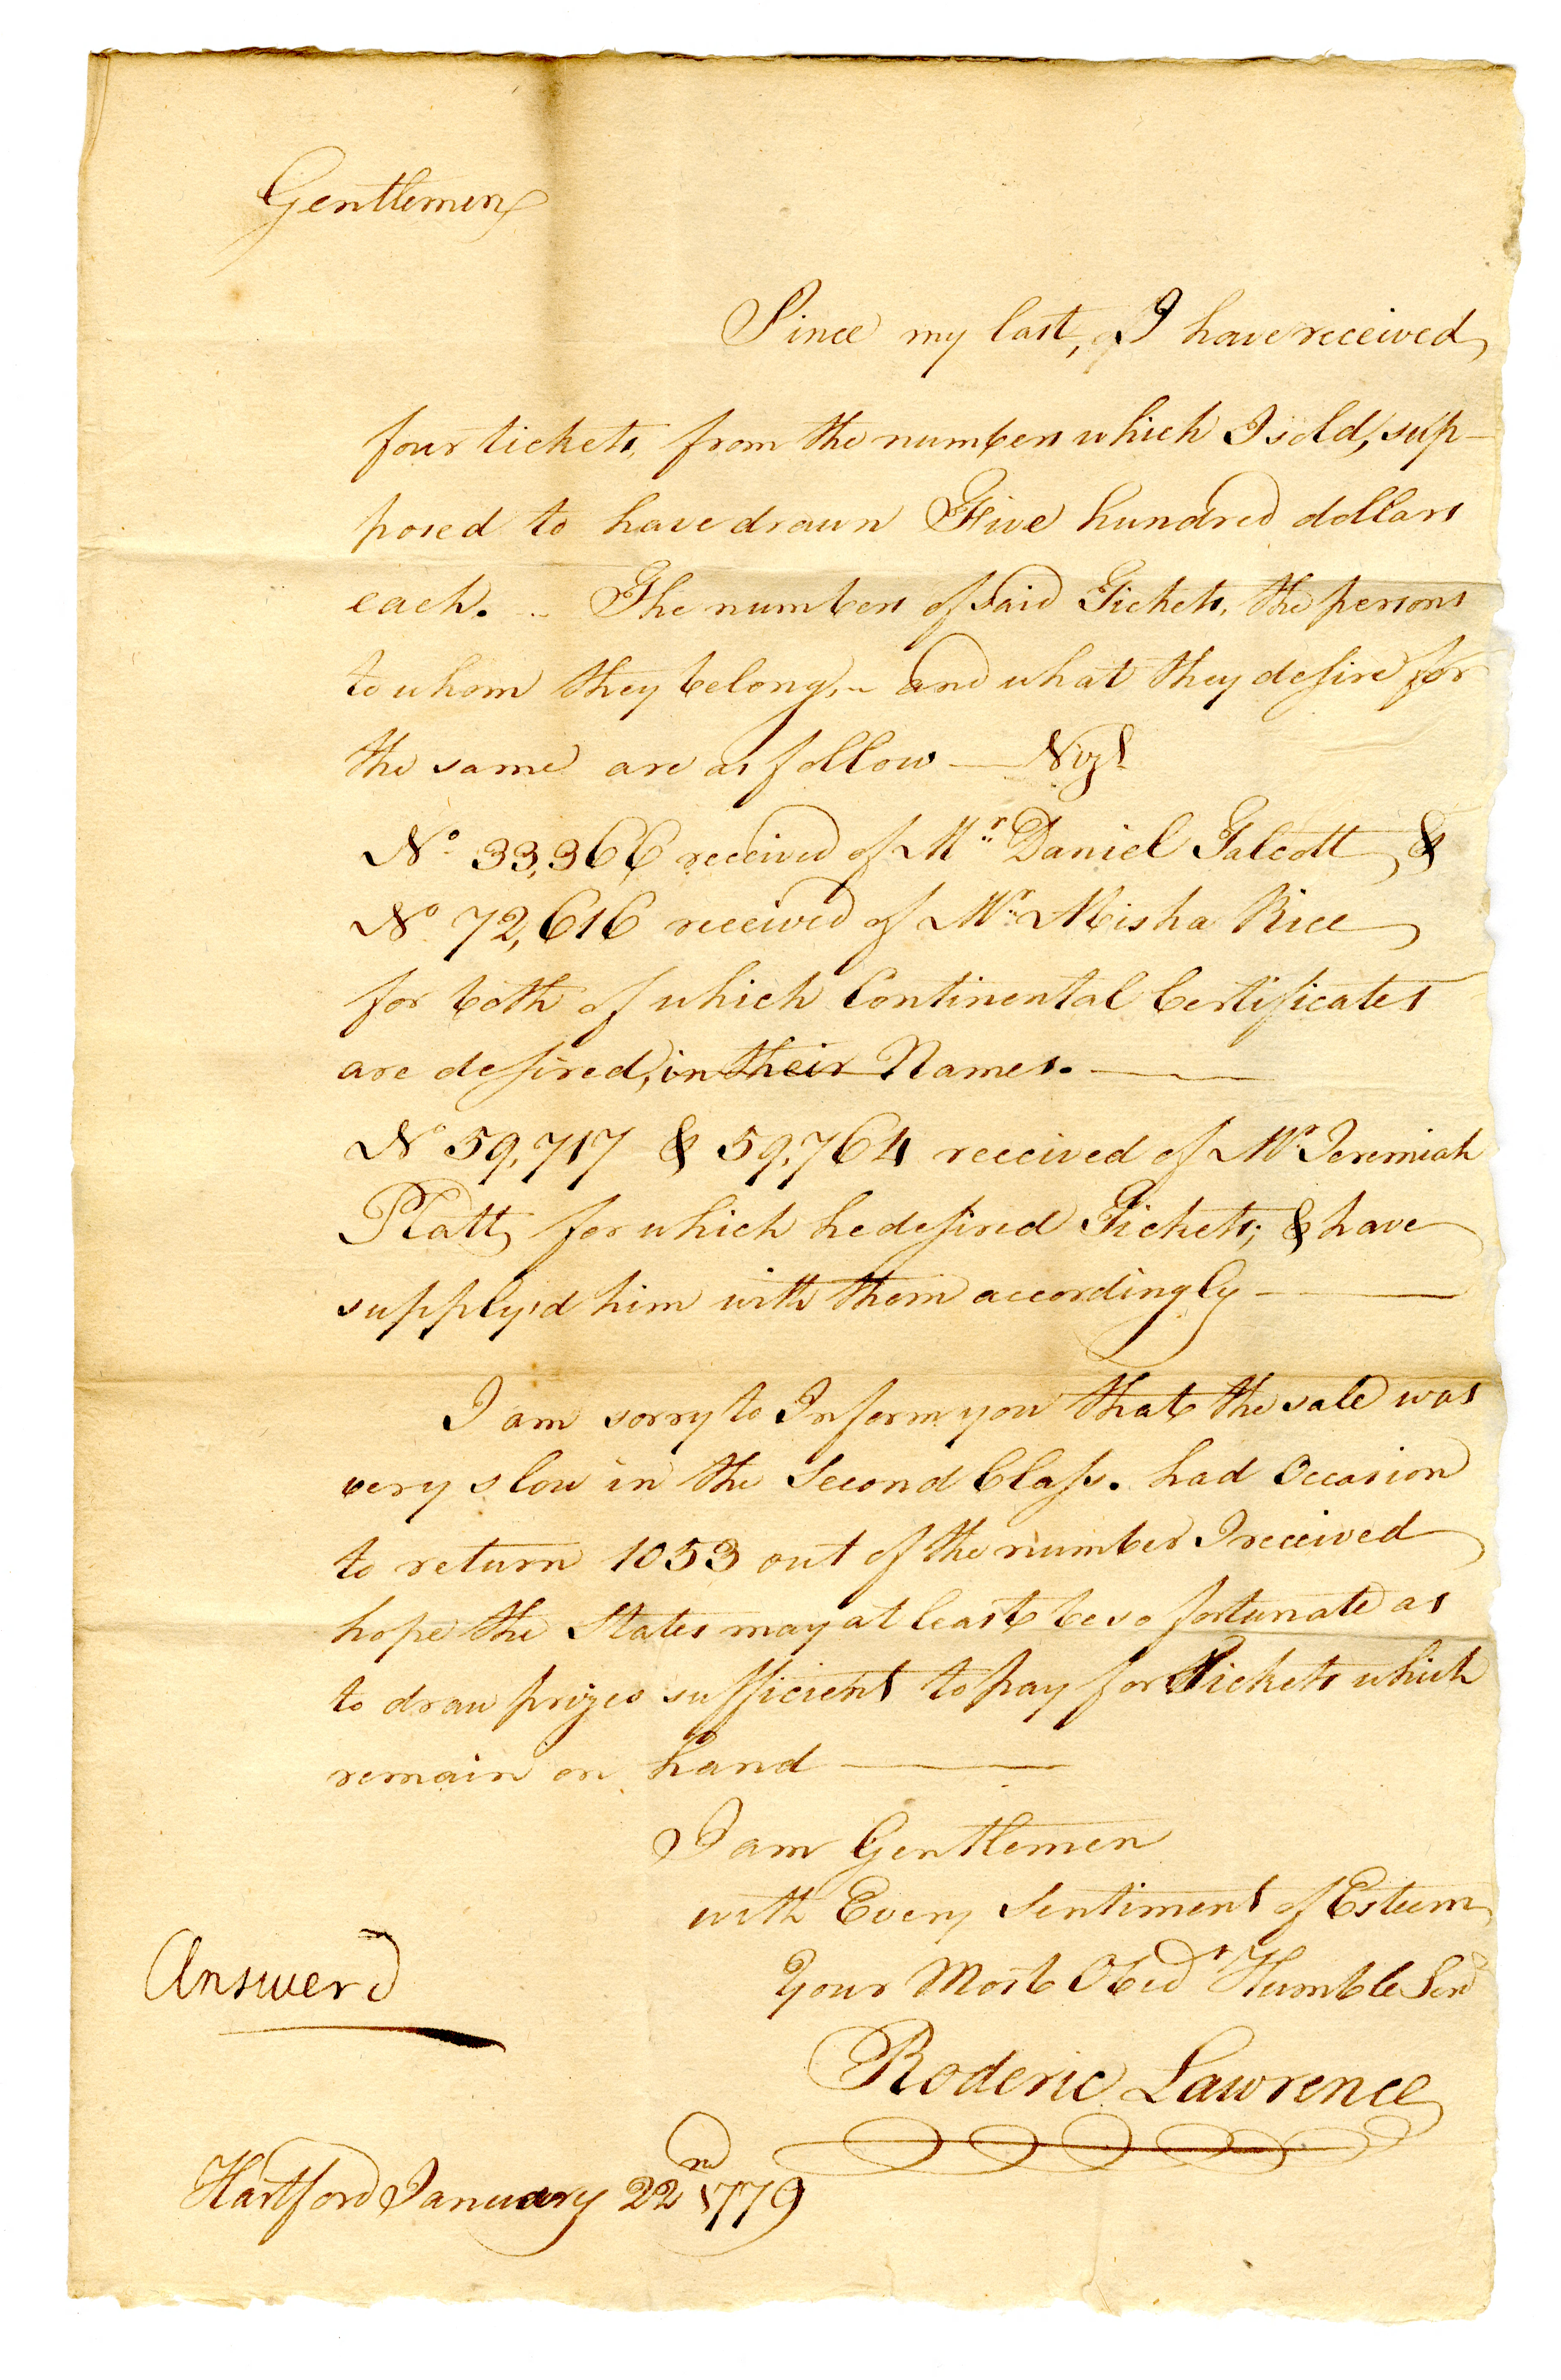Gentlemen
Since my last, I have received
four tickets from the numbers which I sold, sup-
posed to have drawn Five hundred dollars
each. The number of said Tickets, the persons
to whom they belong,- and what they desire for
the same are as follow-Viz^t
N^o. 33,366 received of M^r. Daniel Talcott &
N^o 72, 616 received of M^r. Alisha Rice
for both of which Continental Certificates
are desired in their Names.-
N^o 59,717 & 59,764 received of M^r. Jeremiah
Platt for which he desired Tickets; & have
supply’d him with them accordingly-
I am sorry to inform you that the sale was
very slow in the Second Class. had occasion
to return 1053 out of the number I received
hope the states may at least be so fortunate as
to draw prizes sufficient to pay for Tickets which
remain on hand-
I am Gentlemen
with Every Sentiment of Esteem
Your most Obed^t Humble Serv^t
Roderic Lawrence
Answerd
Hartford January 22^nd 1779